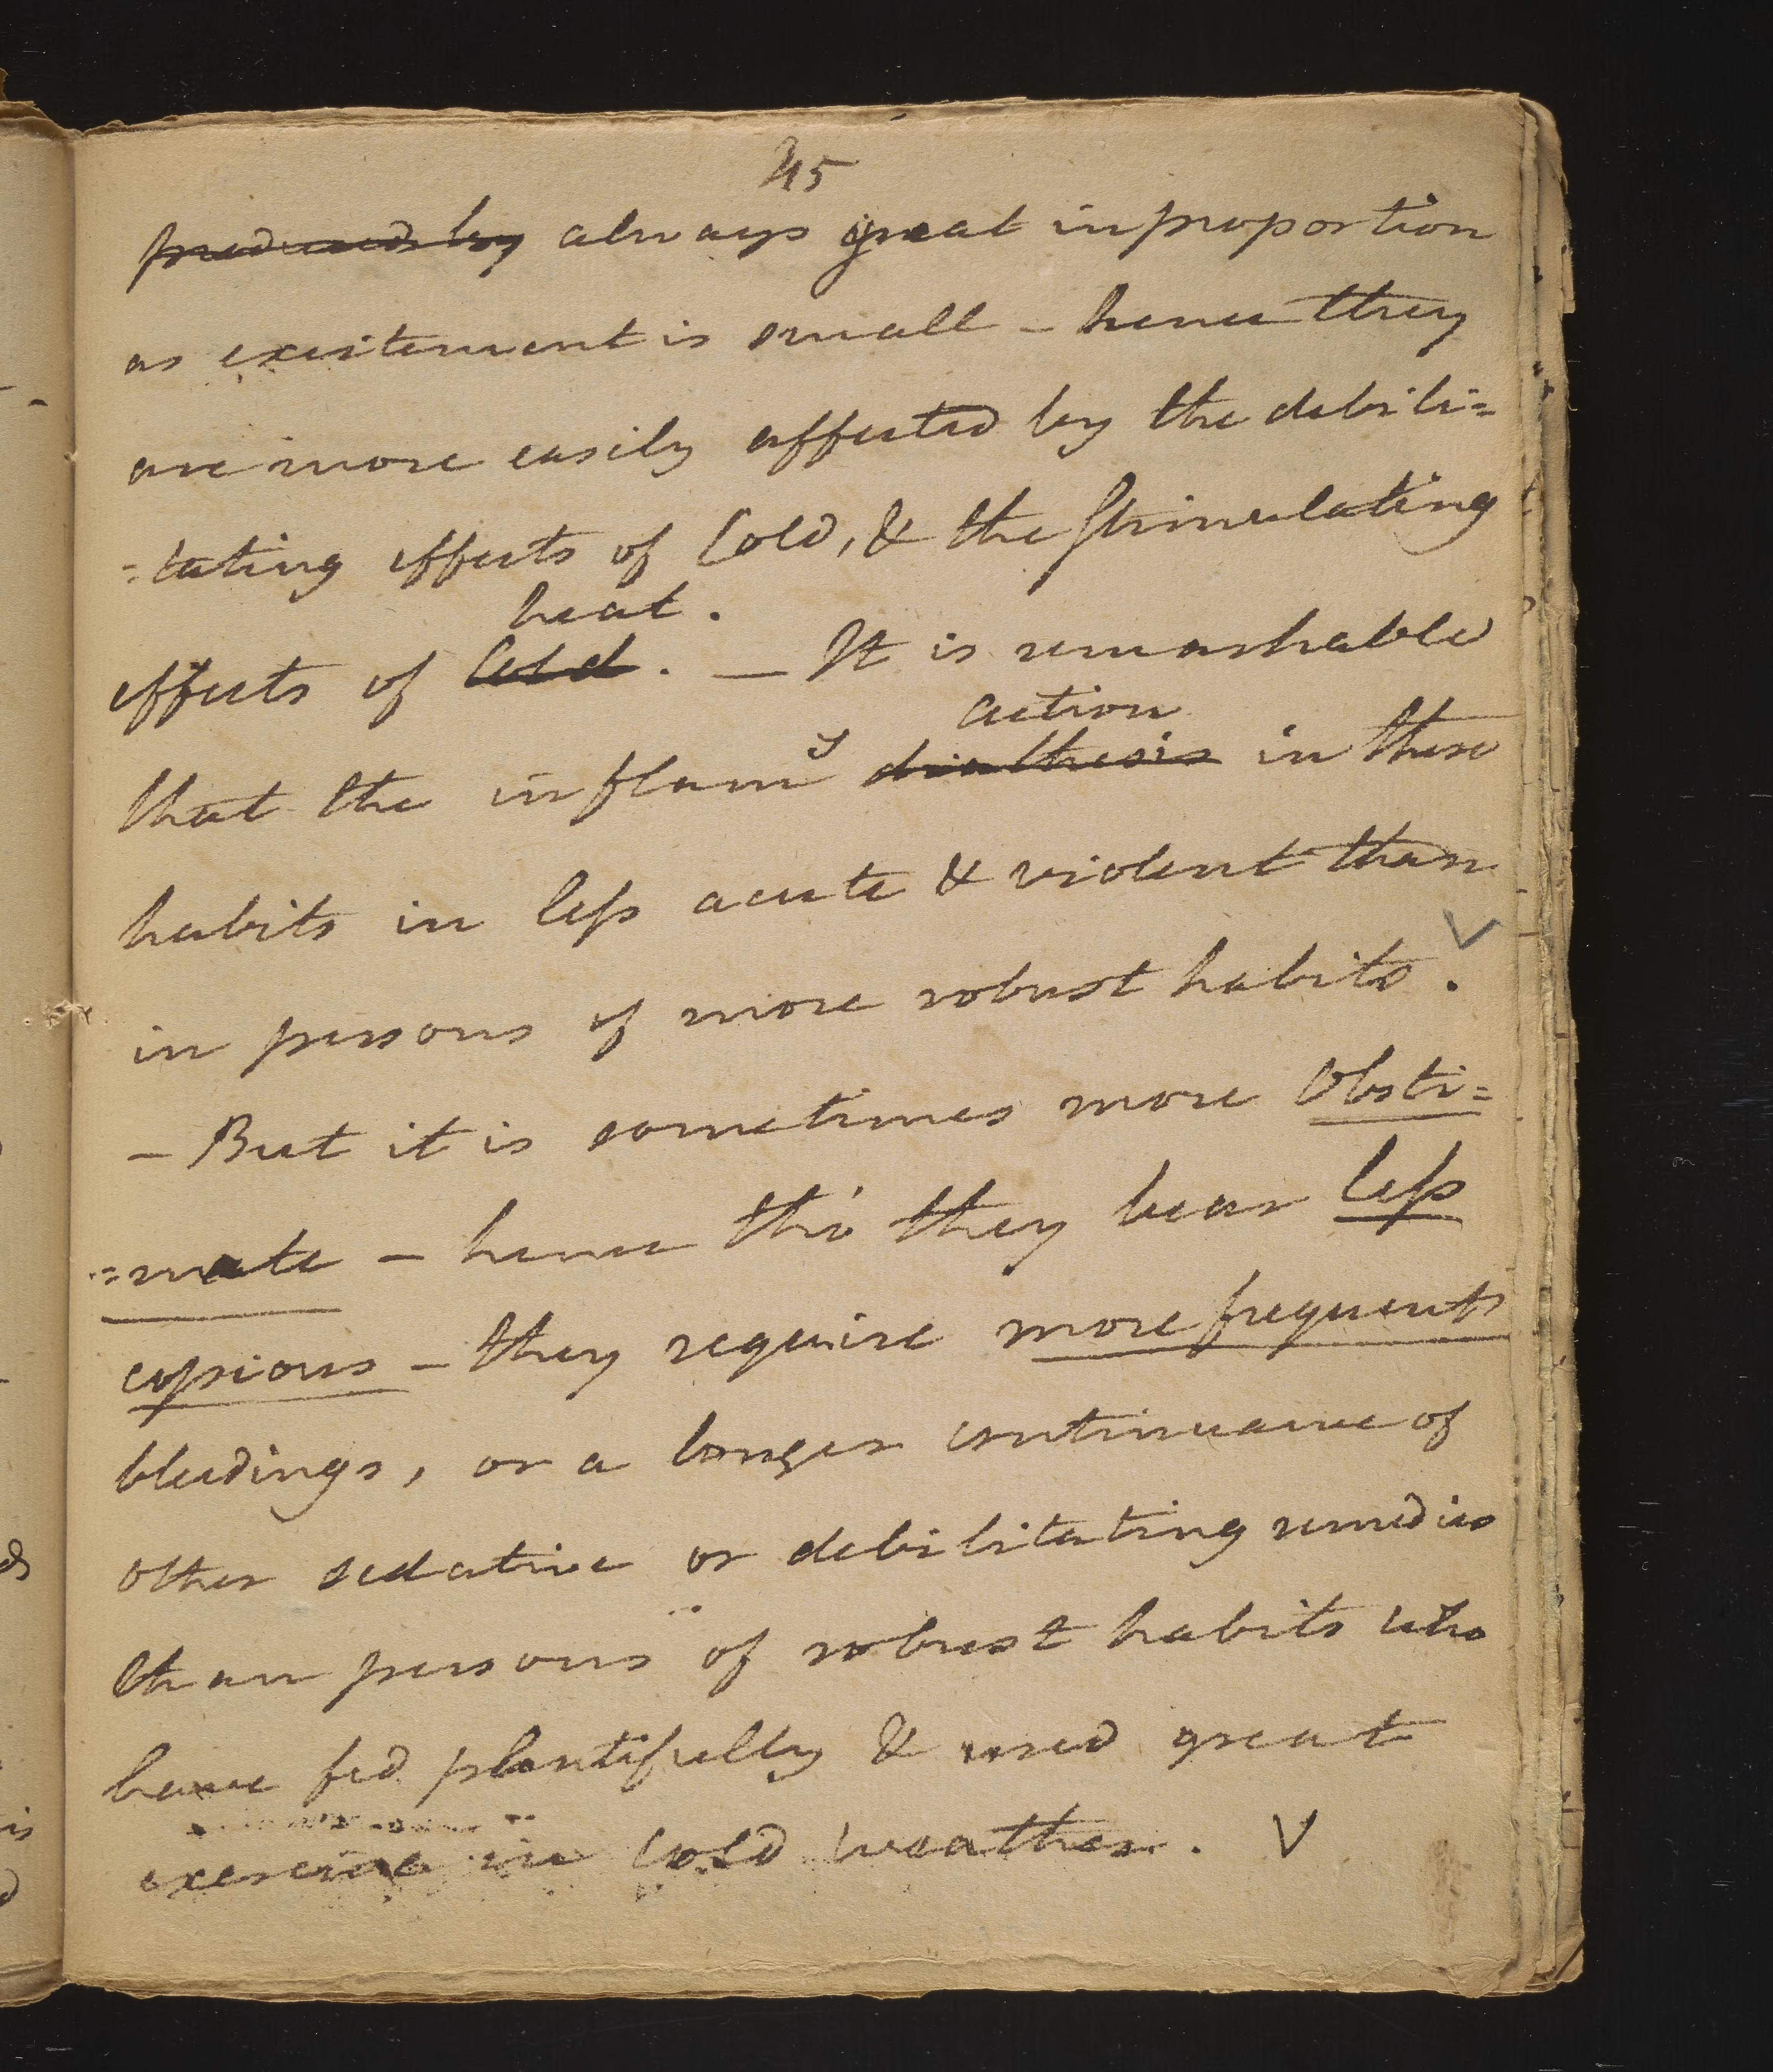45
[produced by] always great in proportion
as excitement is small- hence they
are more easily affected by the debili-
-tating effects of cold, & the stimulating
heat.
effects of [Cold].- It is reasonable
actions
that the inflam^y [__________] in these
habits is less acute & violent than
in persons of more robust habits. V
- But it is something more obsti-
-nate- hence tho' they bear less
copious- they require more frequent
bleedings, or a longer continuance of
other sedative or debilitating remedies
than persons of robust habits who
have fed plentifully & need great
exercise in cold weather. V